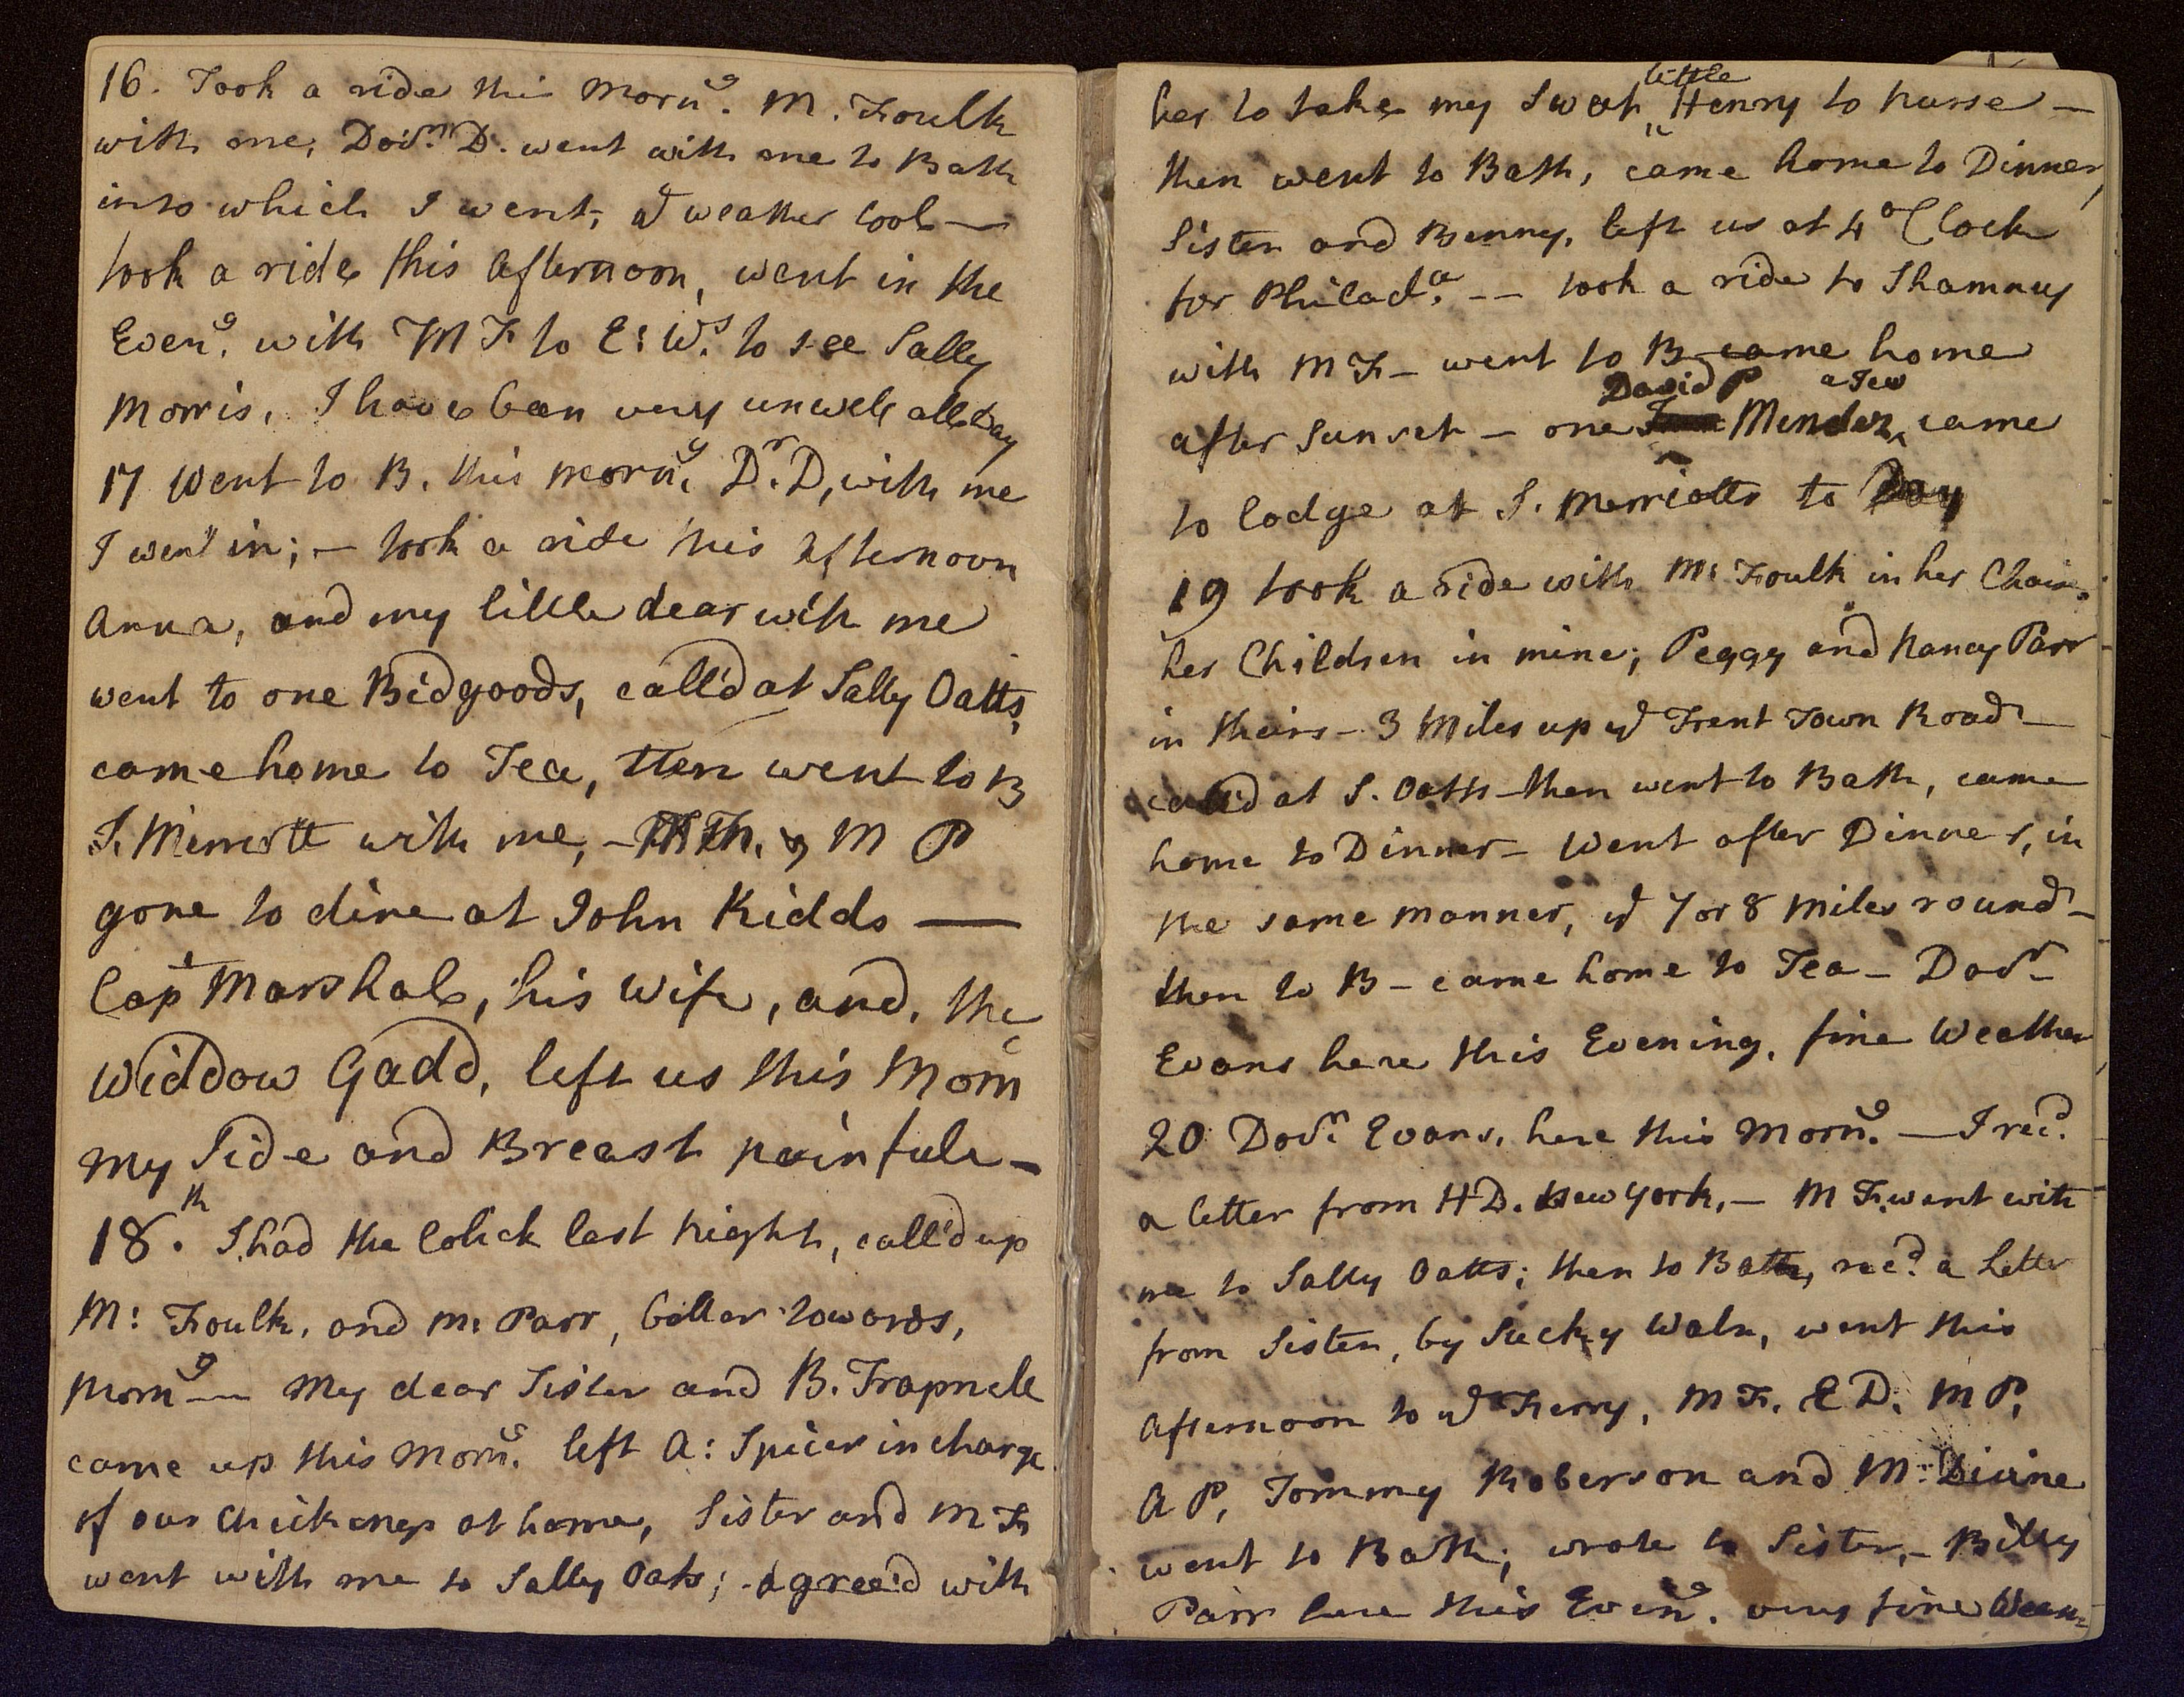16. Took a ride this morn^g. M. Foulk
with one, Doc^r. D. went with me to Bath
into which I went, y^e weather cool-
took a ride this afternoon, went in the
Even^g. with M F to E:W^s. to see Sally
Morris, I have been very unwell all Day
11 Went to B. this morn^g. D^r. D, with me
I went in;- took a ride this Afternoon
Anna, and my little dear with me
went to one Bidgoods, call'd at Sally Oatts,
came home to Tea, then went to B
S. Merriott with me, - T T, & M P
gone to dine at John Kidds-
Cap^t Marshal, his wife, and, the
Widdow Gadd, left us this Morn^g
my Side and Breast painfull-
18^th. I had the Colick last night, call'd up
M: Foulk, and M: Parr, [bollar] towards,
Morn^g- My dear Sister and B. Trapnell
came up this morn^g. left A: spicer in charge
of our Chickenes at home, Sister and MS.
went with me to Sally Oats; agree'd with
little
her to take my sweet ^ Henry to Nurse -
then went to Bath, came home to Dinner,
Sister and Benny, left us at 4 ^o Clock
for Philad^a.-- took a ride to Shamney
with MF- went to B came home
David P a Few
after sunset - one [___] ^ Mendez ^ came
to lodge at S. Merriotts to Day
19 took a ride with M: Foulk in her Chai[se]
her Children in mine; Peggy and Nancy Parr
in theirs- 3 Miles up y^e Trent Town Road-
call'd at S. Oatts- then went to Bath, came
home to Dinner - went after Dinner, in
the same manner, y^e 7 or 8 miles round-
then to B- came home to Tea- Doc^r.
Evans here this Evening, fine weather
20 Doc^r. Evans, here this morn^g.- I rec^d.
a letter from HD. New York.- M F went with
me to Sally Oatts; then to Bath, rec^d. a Letter
from Sister, by Sueky Waln, went this
Afternoon to y^e Ferry, MF. ED. MP.
A P, Tommy Roberson and M. Divine
went to Bath, wrote to Sister,- Billy
Parr here this Even^g. very fine weather